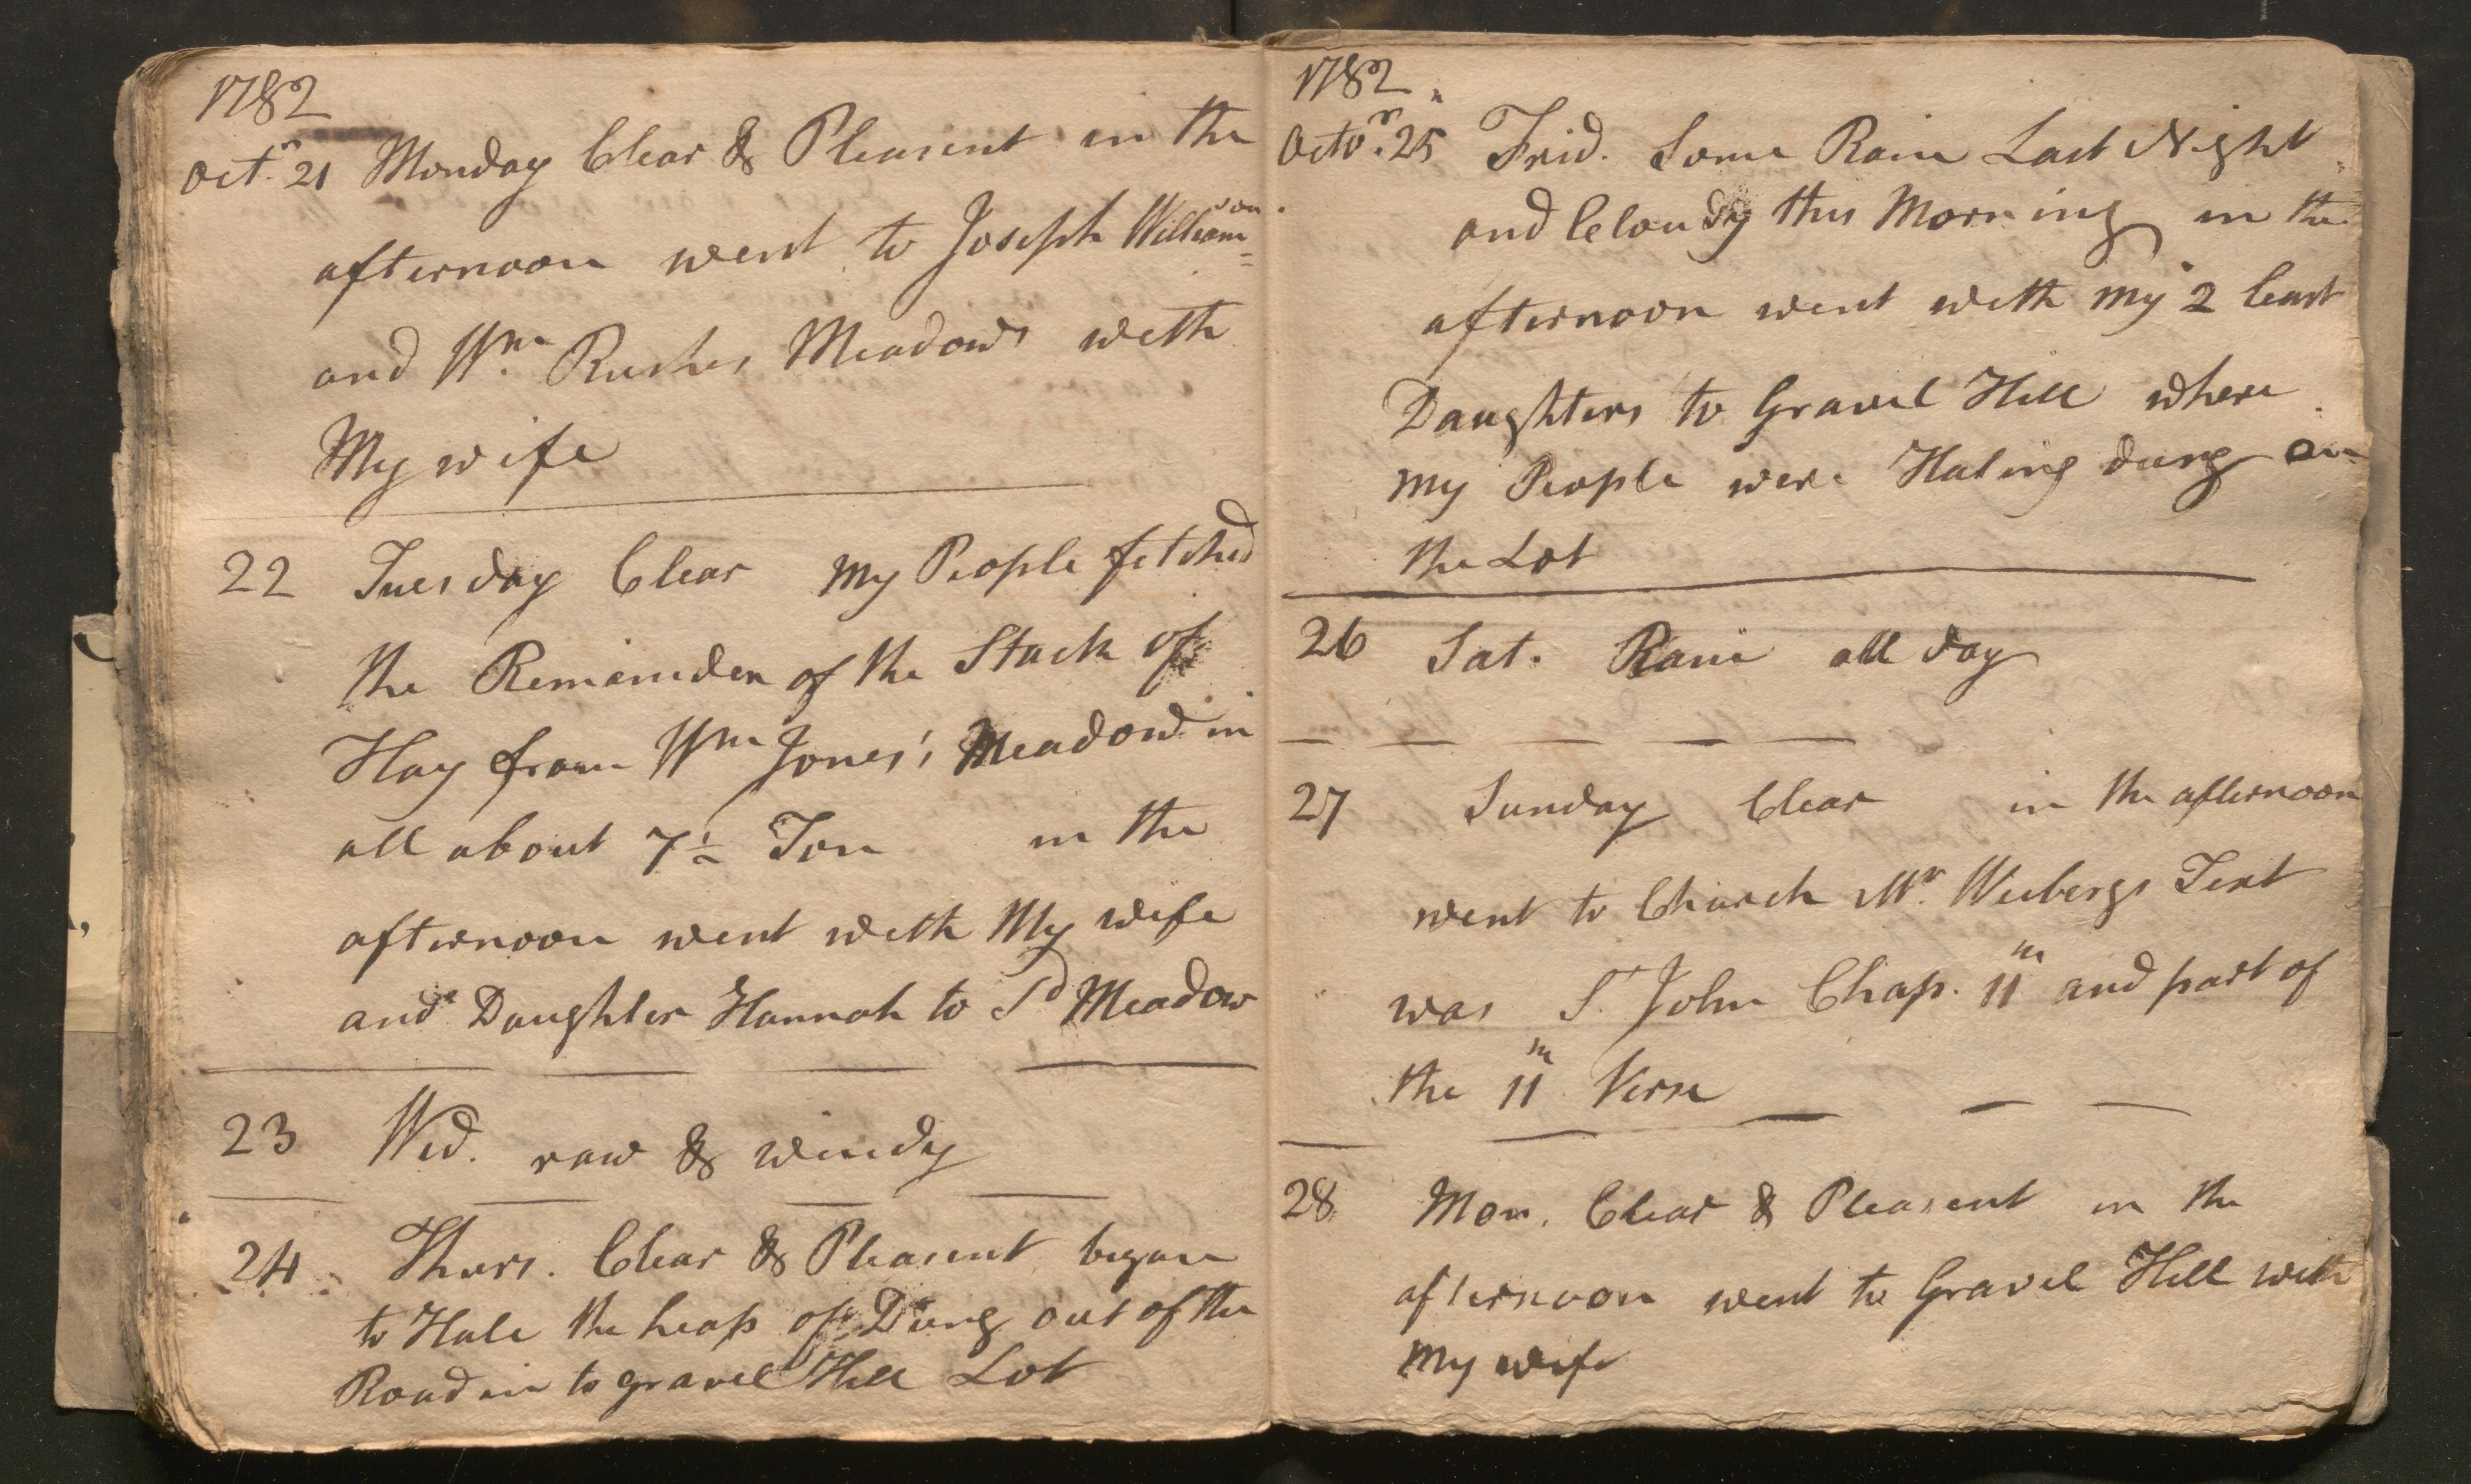1782
Oct^r. 21 Monday Clear & Pleasent in the
afternoon went to Joseph William^son
and W^m. Rushes Meadows with
My wife
22 Tuesday Clear My People fetche
the Remainder of the Stack of
Hay from W^m. Jones's Meadow in
all about 7 1/2 Ton in the
afternoon went with My wife
and Daughter Hannah to s^d. Meadow
23 Wed. raw & windy
24. Thurs. Clear & Pleasent began
to Hale the heap of Deng out of the
Road in to gravel Hill Lot
1782
Octo^r. 25 Frid. some Rain Last Night
and Cloudy this Morning in the
afternoon went with My 2 least
Daughters to Gravel Hill where
My People were Haling dung on
the Lot
26 Sat. Rain all day
27 Sunday Clear in the afternoon
went to Church M^r. Weibergs Text
was S^t. John Chap. 11^th and part of
the 11^th Verse
28 Mon. Clear & Pleasent in the
afternoon went to Gravel Hill with
My wife